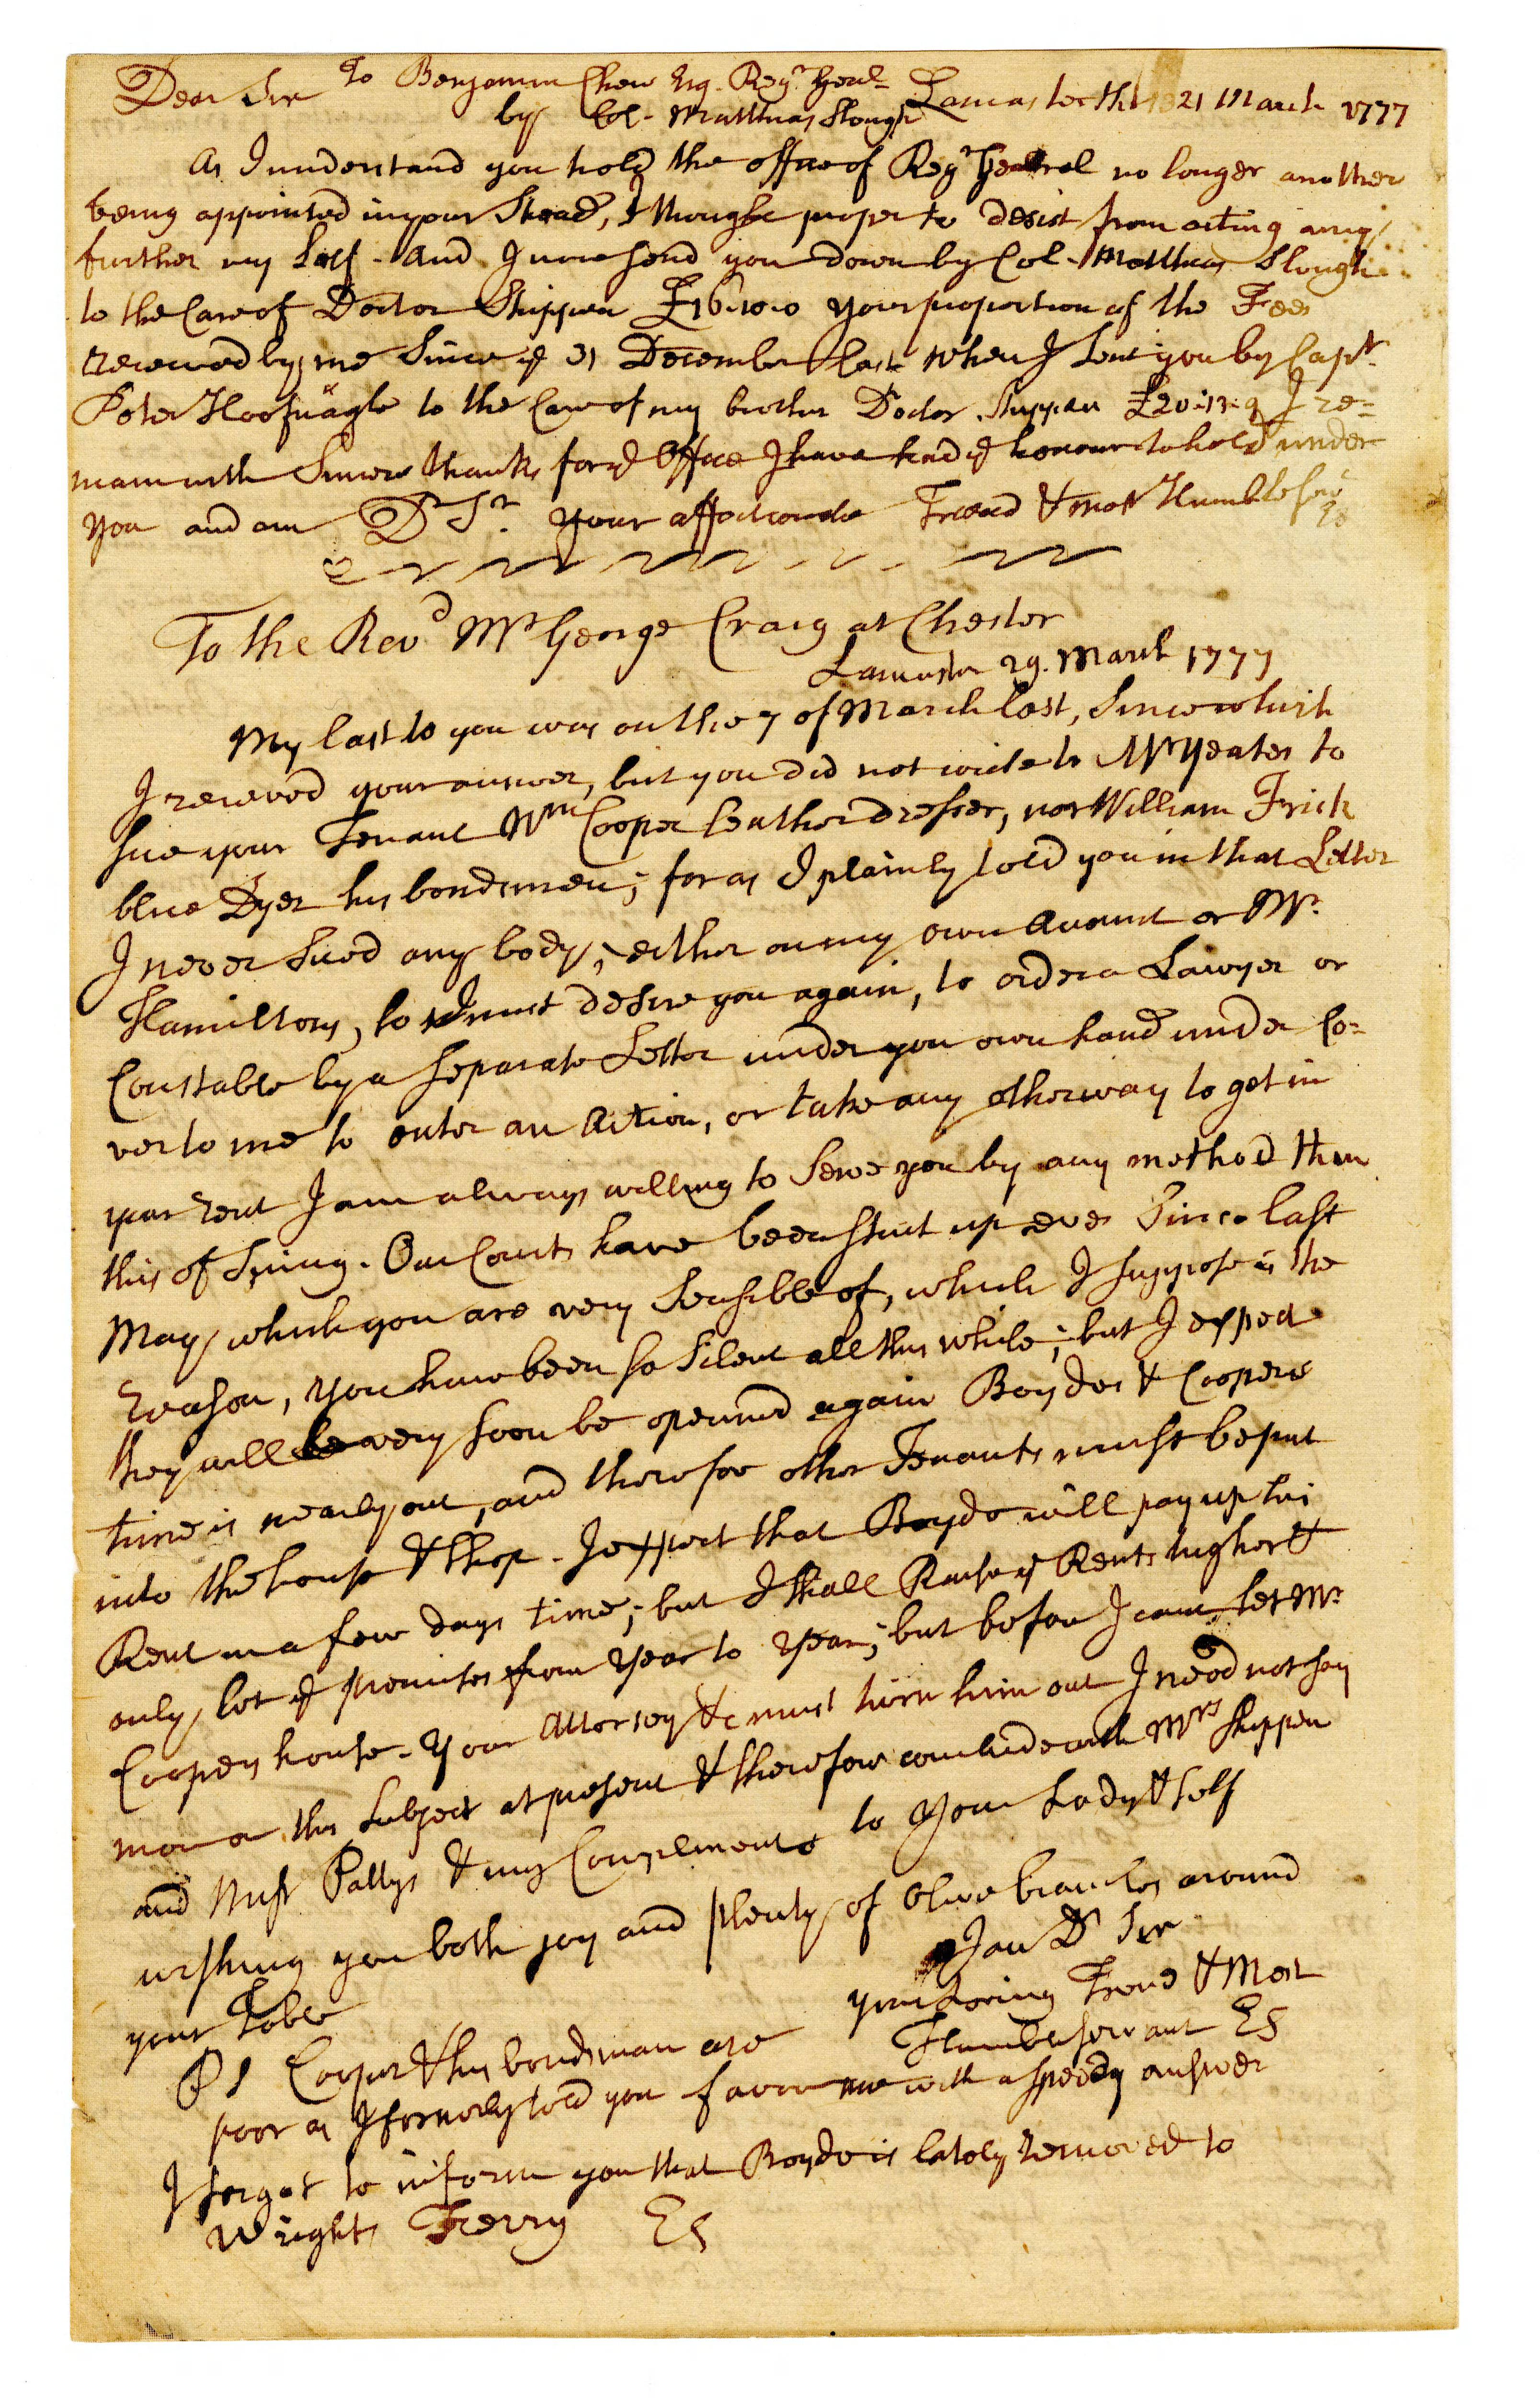to Benjamin Chew Esq Reg^r. Gen^l
by Col Matthias Slough
Lancaster the [13] 21 March 1777
Dear Sir
As I understand you hold the office of Reg^r. General no longer another
being appointed in your Stead, I thought proper to desist from acting any
further my Last - And I now send you down by Col. Mattheas Slough
to the Care of Doctor Shippen £16.10.0 Your proportion of the Fees
received by me Since y^e 31 December last when I sent you by Cap^t.
Peter Hoofnagle to the Care of my brother Doctor Shippen £20.13.9 I re-
main with Sincere thanks for y^e Office I have had y^e honour to hold under
you
and on D^r S^r. Your affectionate Friend & most Humble Serv^t.
ES
To the Rev^d M^r George Craig at Chester
Lancaster 29. March 1777
My last to you was on the 7 of March last, Since which
I received your answer, but you did not write to M^r Yeates to
Sue your Tenant M^r Cooper leather dresser, nor William Frick
blue Dyer his bondsmen; for as I plainly told you in that Letter
I never Sued any body; either on my own Account or M^r.
Hamiltons, so I must desire you again, to order a Lawyer or
Constable by a separate Letter under you own hand under Co-
ver to me to enter an Action, or take any otherway to get in
your rent I am always willing to Serve you by any method than
this of Suing. Our Courts have been Shut up ever Since last
May which you are very Sensible of, which & suggest is the
reason, you have been so Silent all this while; but I expect
they will [be] very soon be opened again Boydes & Coopers
time is nearly out, and therefor other Tenants meust be put
into the house & Shop. I expect that Boyd will pay up his
Rent in a few days time; but I Shall Raise y^e Rents higher &
only Cut y^e promises from Year to Year; but before I can let M^r
Coopers house-Your Attorney &c must turn him out I need not say
more on this subject at present & therefor conclude with M^rs Shippen
and Miss Pattys & my Compliments to Your Lady & Self
wishing you joy and plenty of Olive branches around
your Table
I am D^r Sir
Your Loving Friend & Most
Humble Servant
ES
PS Cooper & his bondsmen are
poor as I formerly told you favour me with a speedy answer
I forgot to inform you that Boyds is lately removed to
Wrights Ferry
ES